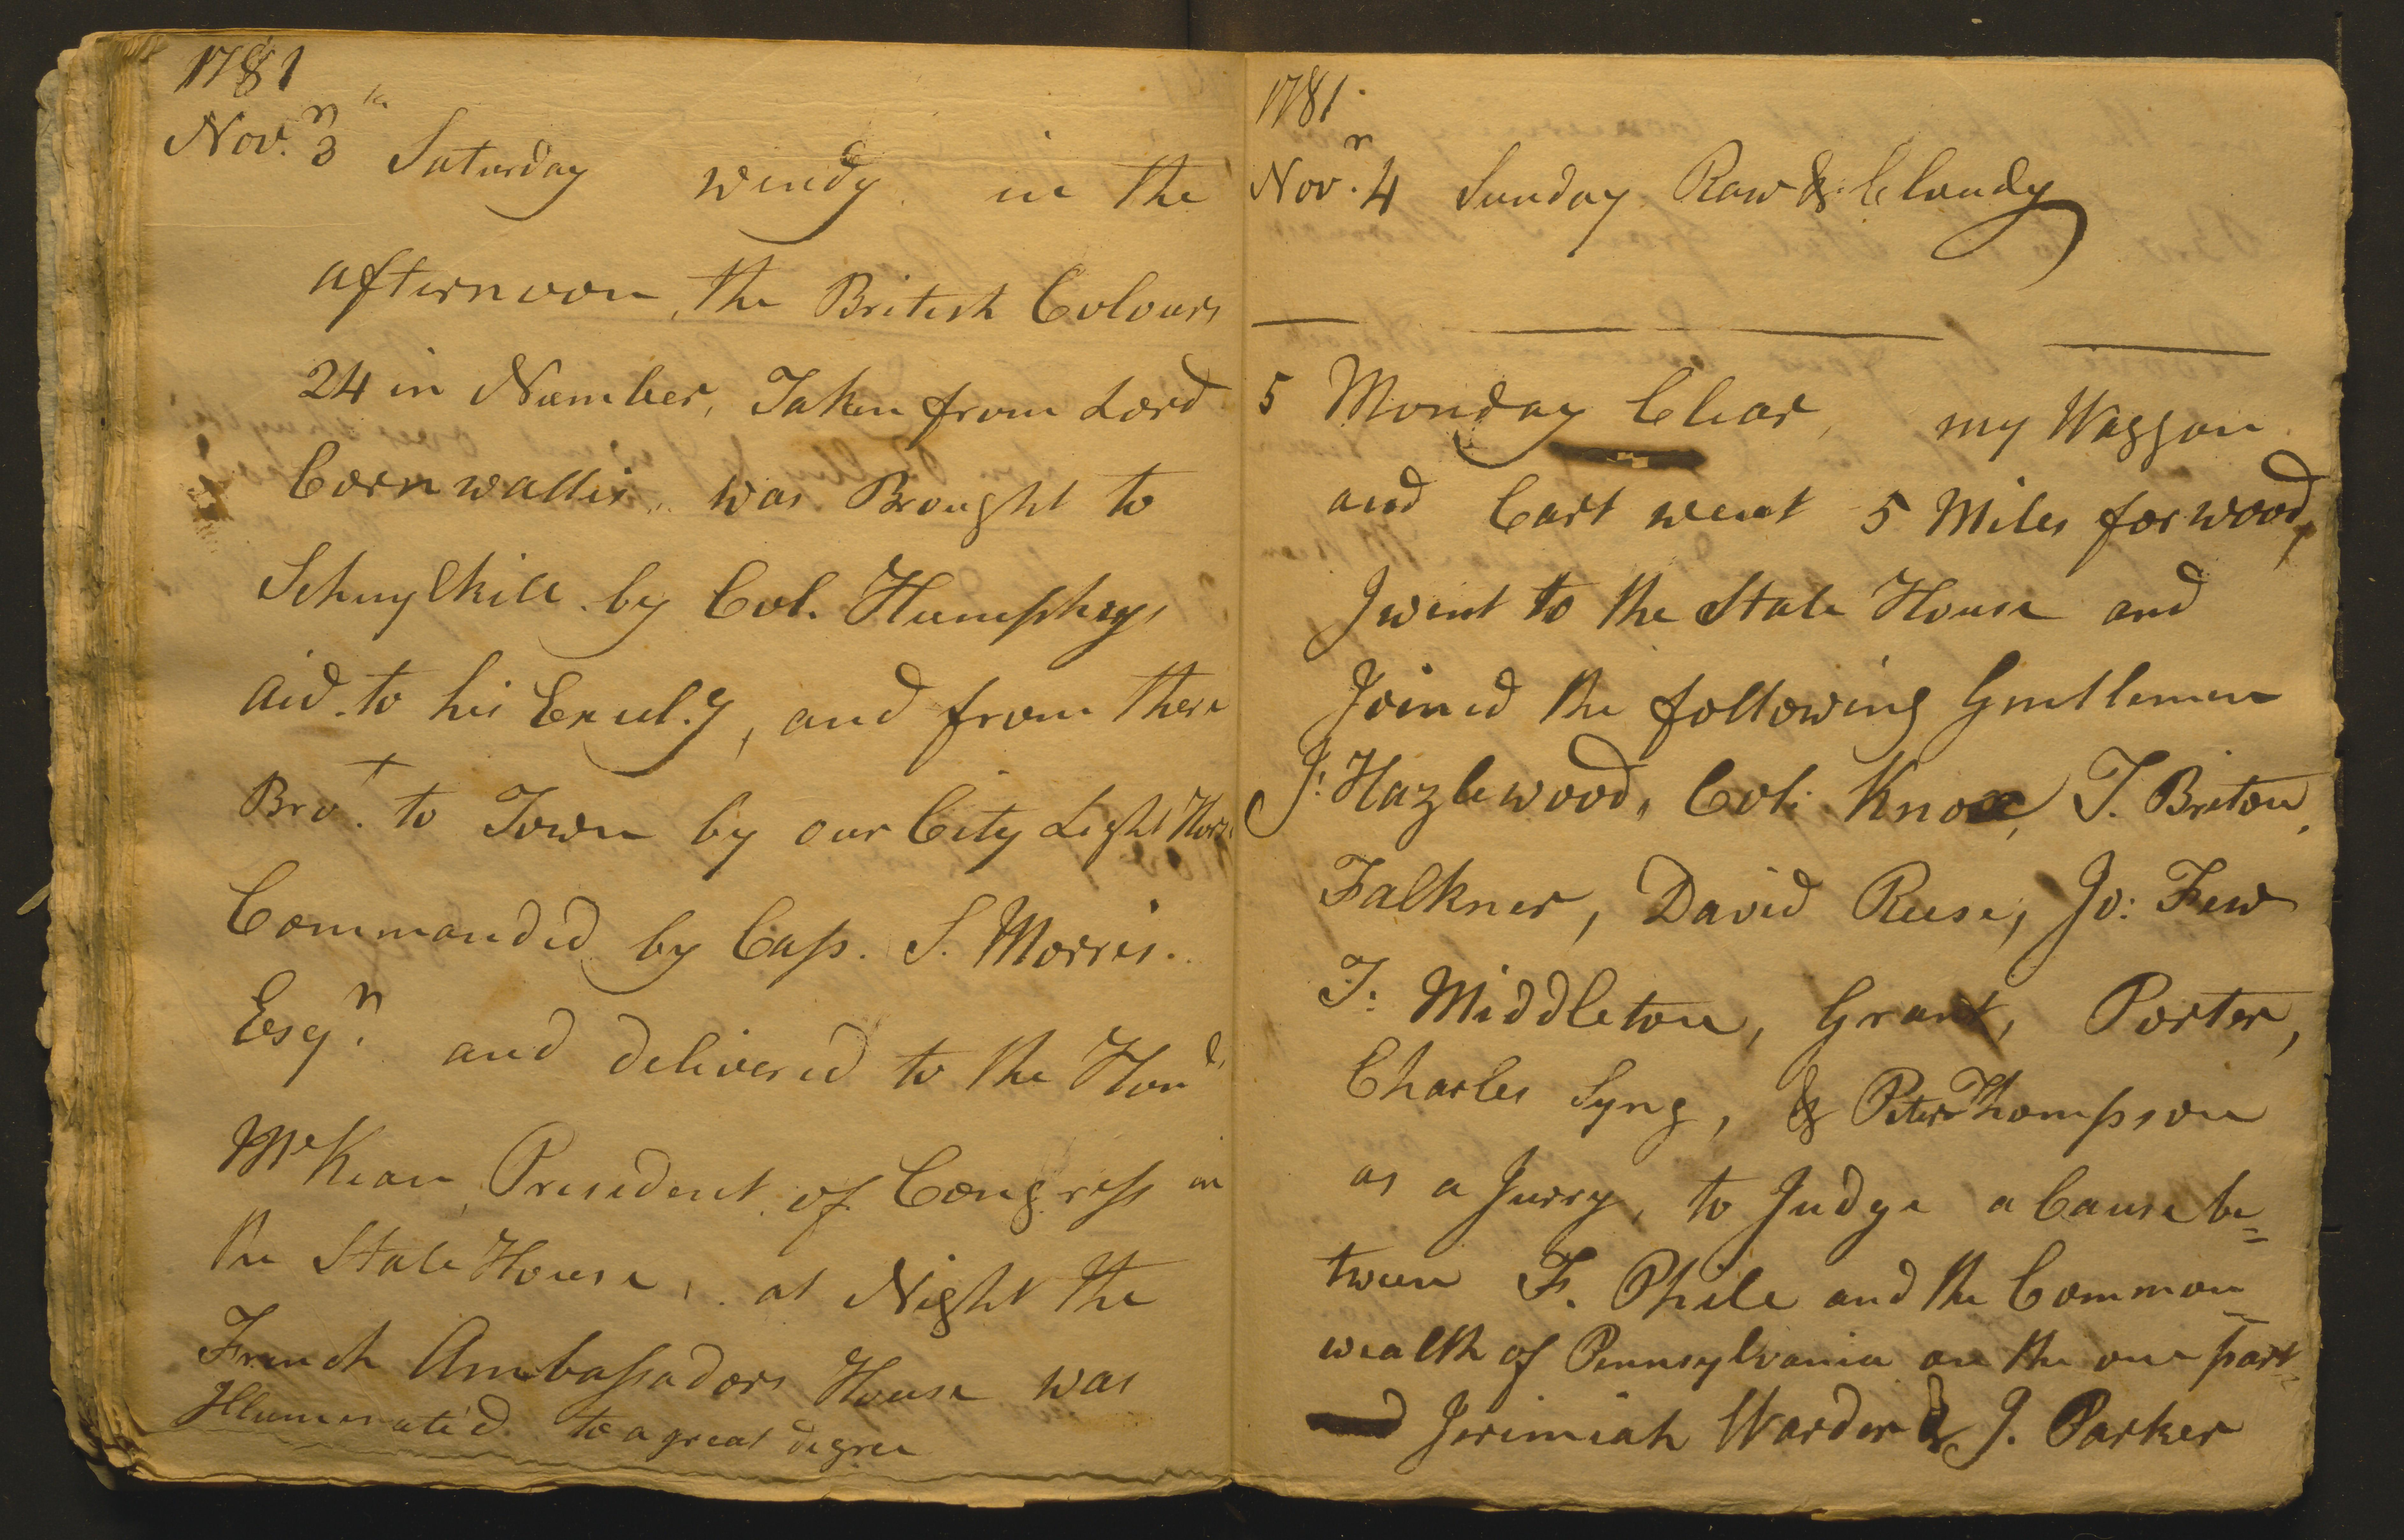1781
Nov^r. 3^th Saturday windy, in the
afternoon the British Colours
24 in Number, Taken from Lord
Cornwallis, was Brought to
Schuylkill by Col. Humphry,
Aid to his Excel^y., and from there
Bro^t. to Town by our City Light Hors
Commanded by Cap. S. Morris.
Esq^r. and delivered to the Hon^l
M^cKean President of Congress in
the State House, at Night the
French Ambassadors House was
Illuminated to a great degree
1781
Nov^r. 4 Sunday. Raw &. Cluudy
5 Monday Clear, my Waggon
and Cart went 5 Miles for wood
I went to the State House and
Joined the following Gentlemin
J. Hazlewood, Col. Knox, T. Briton,
Falkner, David Reese, Jo: Few
T: Middleton, Grant, Porter,
Charles Syng, & Peter Thompson
as a Jurry, to Judge a Cause be
tween F. Phile and the Common
wealth of Pennsylvania an the one part
Jeremiah Warder & J. Parker